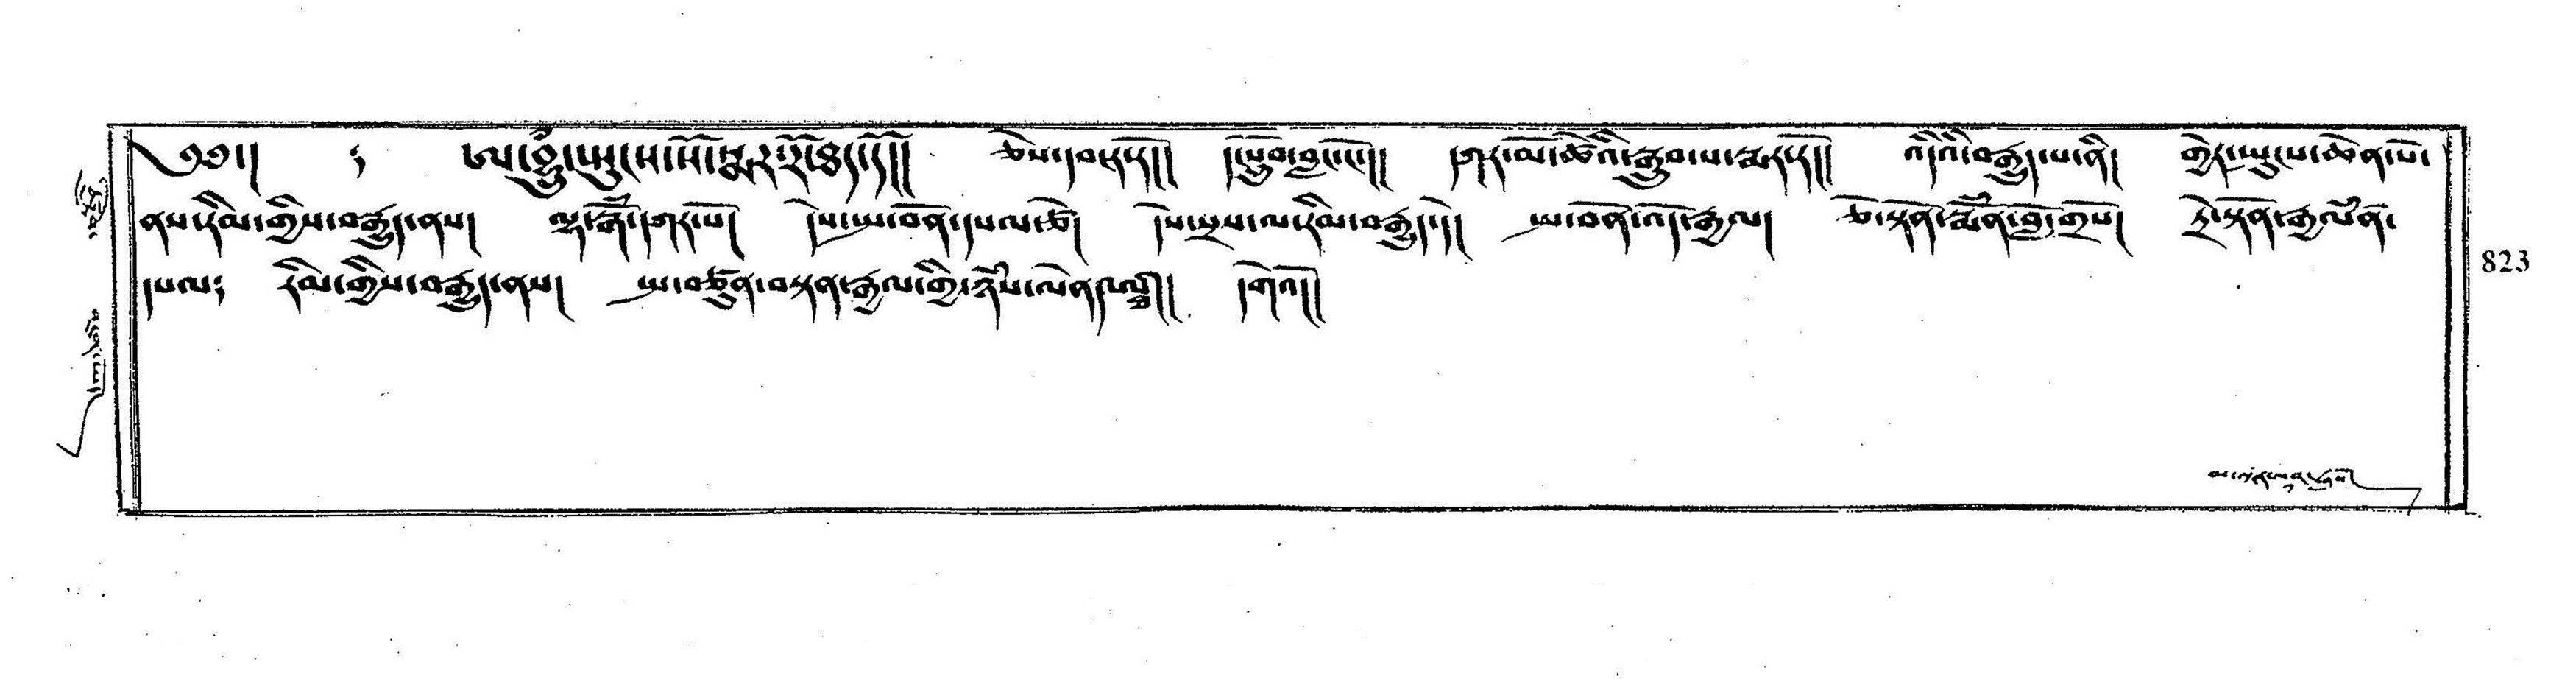ཨ་བྷྲུཾ་སྤུངས་སོ་སྨར་རོ་ཐད་དོ།། ཅེས་དབང་བསྐུར་རོ།། དངོས་གྲུབ་བླང་ངོ་།། དཀར་མོ་ཚེའི་སྒྲུབ་པ་སྨར་རོ།། འདིའི་བརྒྱུད་པ་ནི། གྱེར་སྤུངས་ཆེན་པོ་
ནས་རིམ་གྱིས་བརྒྱུད་ནས། ལྷ་སྒོམ་དཀར་པོ། དེས་སྤ་བོན་དཔལ་ཙེ། དེས་སྲས་ལ་རིམ་བརྒྱུད་དེ། སྤ་བོན་འོད་རྒྱལ། ཅོ་སྟོན་སྨོན་ལམ་བློ་གྲོས། ཏྲེ་སྟོན་རྒྱལ་མཚན་
དཔལ། རིམ་གྱིས་བརྒྱུད་ནས། སྤ་བཙུན་བསྟན་རྒྱལ་གྱི་ཉམས་ལེན ཨྠིྀ དགེའོ།།